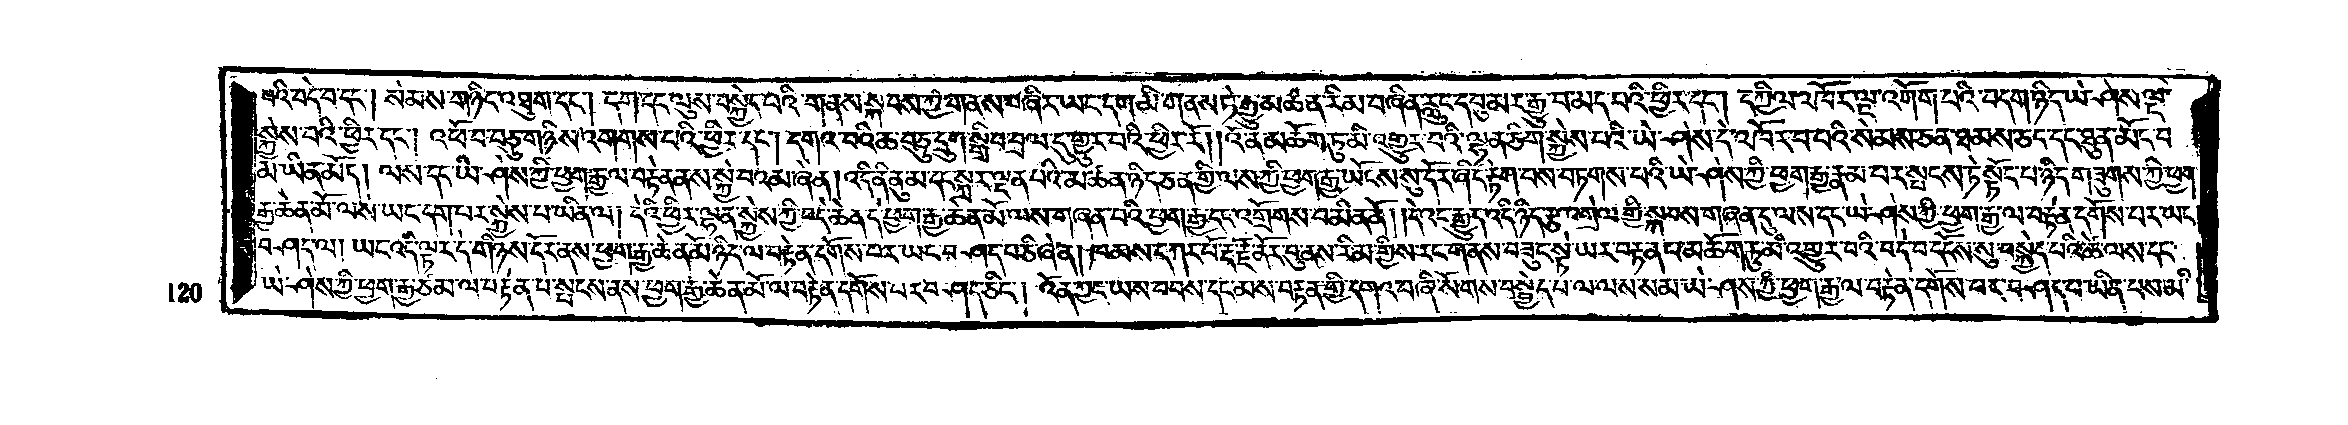པའི་བདེ་བ་དང་། སེམས་གཉིད་འཐུག་དང་། དག་དང་ལུས་བསྐྱེད་པའི་གནས་སྐབས་ཀྱི་གནས་བཞིར་ཡང་དག་མི་གནས་ཏེ་རྒྱུ་མཚན་རིམ་བཞིན་རླུང་དབུ་མར་རྒྱུ་བ་མད་པའི་ཕྱིར་དང་། དཀྱིལ་འཁོར་ལྔ་འགོག་པའི་བདག་ཉིད་ཡེ་ཤེས་ལྔ་
སྐྱེས་པའི་ཕྱིར་དང་། འཕོ་བ་བཅུ་གཉིས་འགགས་པའི་ཕྱིར་དང་། དགའ་བའི་ཆ་བཅུ་དྲུག་སྒྲིབ་བྲལ་དུ་གྱུར་པའི་ཕྱིར་རོ། །འོ་ན་མཆོག་ཏུ་མི་འགྱུར་བའི་ལྷན་ཅིག་སྐྱེས་པའི་ཡེ་ཤེས་དེ་འཁོར་བ་པའི་སེམས་ཅན་ཐམས་ཅད་དང་ཐུན་མོང་བ་
མ་ཡིན་མོད། ལས་དང་ཡེ་ཤེས་ཀྱི་ཕྱག་རྒྱ་ལ་བརྟེན་ནས་སྐྱེ་བའམ་ཞེན། འདི་ནི་ནུ་མ་དང་སྐྲར་ལྡན་པའི་མཚན་ཉིད་ཅན་གྱི་ལས་ཀྱི་ཕྱག་རྒྱ་ཡོངས་སུ་དོར་ཞིང་རྟོག་པས་བཏགས་པའི་ཡེ་ཤེས་ཀྱི་ཕྱག་རྒྱ་རྣམ་པར་སྤངས་ཏེ་སྟོང་པ་ཉིད་གཟུགས་ཀྱི་ཕྱག་
རྒྱ་ཆེན་མོ་ལས་ཡང་དག་པར་སྐྱེས་པ་ཡིན་ལ། དེའི་ཕྱིར་ལྷན་སྐྱེས་ཀྱི་བདེ་ཆེན་དེ་ཕྱག་རྒྱ་ཆེན་མོ་ལས་གཞན་པའི་ཕྱག་རྒྱ་དང་འགྲོགས་པ་མིན་ནོ། །དེའང་རྒྱུད་འདི་ཉིད་རྩ་འགྲེལ་གྱི་སྐབས་གཞན་དུ་ལས་དང་ཡེ་ཤེས་ཀྱི་ཕྱག་རྒྱ་ལ་བརྟེན་དགོས་པར་ཡང་
བཤད་ལ། ཡང་འདི་ལྟར་དེ་གཉིས་དོར་ནས་ཕྱག་རྒྱ་ཆེན་མོ་ཉིད་ལ་བརྟེན་དགོས་པར་ཡང་བཤད་པ་ཅི་ཞེ་ན། ཁམས་དཀར་པོ་རྡོ་རྗེ་ནོར་བུ་ནས་རིམ་གྱིས་རང་གནས་བཟུང་སྟེ་ཡར་བརྟན་པ་མཆོག་ཏུ་མི་འགྱུར་བའི་བདེ་བ་དངོས་སུ་བསྐྱེད་པའི་ཚེ་ལས་དང་
ཡེ་ཤེས་ཀྱི་ཕྱག་རྒྱ་ཙམ་ལ་བརྟེན་པ་སྤངས་ནས་ཕྱག་རྒྱ་ཆེན་མོ་ལ་བརྟེན་དགོས་པར་བཤད་ཅིང་། འོན་ཀྱང་ཡས་བབས་དང་མས་བརྟན་གྱི་དགའ་བཞི་སོགས་བསྐྱེད་པ་ལས་སམ་ཡེ་ཤེས་ཀྱི་ཕྱག་རྒྱ་ལ་བརྟེན་དགོས་པར་བཤད་པ་ཡིན་པས་མི་